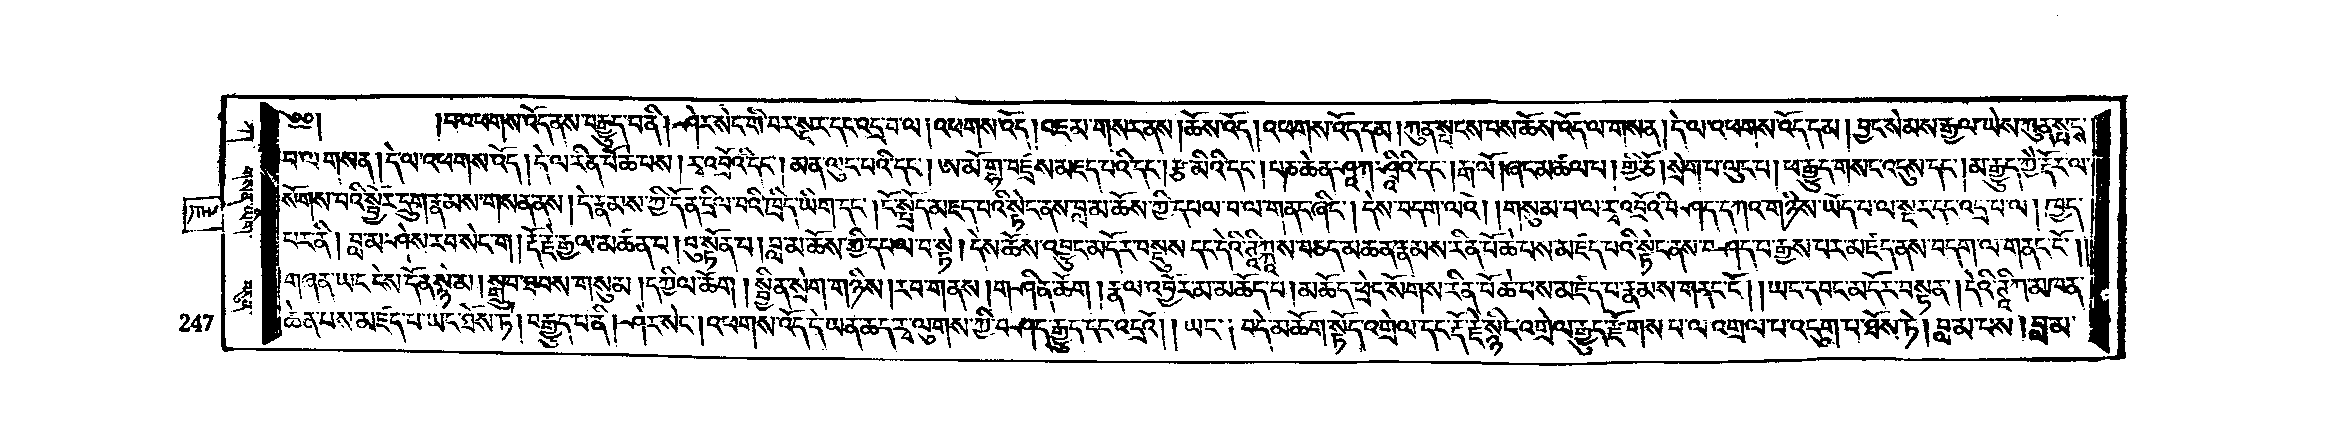༄༅། །པ་འཕགས་འོད་ནས་བརྒྱུད་པ་ནི། ཤེར་སེང་གི་བར་སྔར་དང་འདྲ་བ་ལ། འཕགས་འོད། འཇམ་གསར་ནས། ཆོས་འོད། འཕགས་འོད་དམ། ཀུན་སྤངས་པས་ཆོས་འོད་ལ་གསན། དེ་ལ་འཕགས་འོད་དམ། བྱང་སེམས་རྒྱལ་ཡེས་ཀུན་སྤངས་
པ་ལ་གསན། དེ་ལ་འཕགས་འོད། དེ་ལ་རིན་པོ་ཆེ་པས། རྭ་འབྲོའི་དང་། མན་ལུང་པའི་དང་། ཨ་མོ་གྷ་བྫྲས་མཇད་པའི་དང་། རྩ་མིའི་དང་། པཎ་ཆེན་ཤཱཀ་ཤྲཱིའི་དང་། རྒ་ལོ། ཞང་མཚལ་པ། གྱི་ཅོ། སྲེག་པ་ལུང་པ། ཕ་རྒྱུད་གསང་འདུས་དང་། མ་རྒྱུད་ཀྱེ་རྡོར་ལ་
སོགས་པའི་སྦྱོར་དྲུག་རྣམས་གསན་ནས། དེ་རྣམས་ཀྱི་དོན་དྲིལ་བའི་ཁྲིད་ཡིག་དང་། ངོ་སྤྲོད་མཇད་པའི་སྟེང་ནས་བླ་མ་ཆོས་ཀྱི་དཔལ་བ་ལ་གནང་ཞིང་། དེས་བདག་ལའོ། །གསུམ་པ་ལ་རྭ་འབྲོའི་བཤད་དཀའ་གཉིས་ཡོད་པ་ལ་སྔར་དང་འདྲ་པ་ལ། ཁྱད་
པར་ནི། བླ་མ་ཤེས་རབ་སེང་ག །རྡོ་རྗེ་རྒྱལ་མཚན་པ། བུ་སྟོན་པ། བླ་མ་ཆོས་ཀྱི་དཔལ་བ་སྟེ། དེས་ཆོས་འབྱུང་མདོར་བསྡུས་དང་དེའི་ཊྰྐྐིའས་ཅད་མཆན་རྣམས་རིན་པོ་ཆེ་པས་མཛད་པའི་སྟེང་ནས་བཤད་པ་རྒྱས་པར་མཛད་ནས་བདག་ལ་གནང་ངོ། །
གཞན་ཡང་ངེས་དོན་སྙེ་མ། སྒྲུབ་ཐབས་གསུམ་།དཀྱིལ་ཆོག །སྦྱིན་སྲེག་གཉིས། རབ་གནས། གཤིན་ཆོག །རྣལ་འབྱོར་མ་མཆོད་པ། མཆོད་ཕྲེང་སོགས་རིན་པོ་ཆེ་པས་མཛད་པ་རྣམས་གནང་ངོ། །ཡང་དབང་མདོར་བསྟན། དེའི་ཊཱི་ཀ་མཁན་
ཆེན་པས་མཛད་པ་ཡང་ཐོས་ཏེ། བརྒྱུད་པ་ནི། ཤེར་སེང་། འཕགས་འོད་དེ་ཡན་ཆད་རྭ་ལུགས་ཀྱི་བཤད་རྒྱུད་དང་འདྲའོ། །ཡང་། བདེ་མཆོག་སྟོད་འགྲེལ་དང་རྡོ་རྗེ་སྙིང་འགྲེལ་རྒྱུད་རྫོགས་པ་ལ་འགྲལ་པ་འདུག་པ་ཐོས་ཏེ། བླ་མ་པས། བླ་མ་